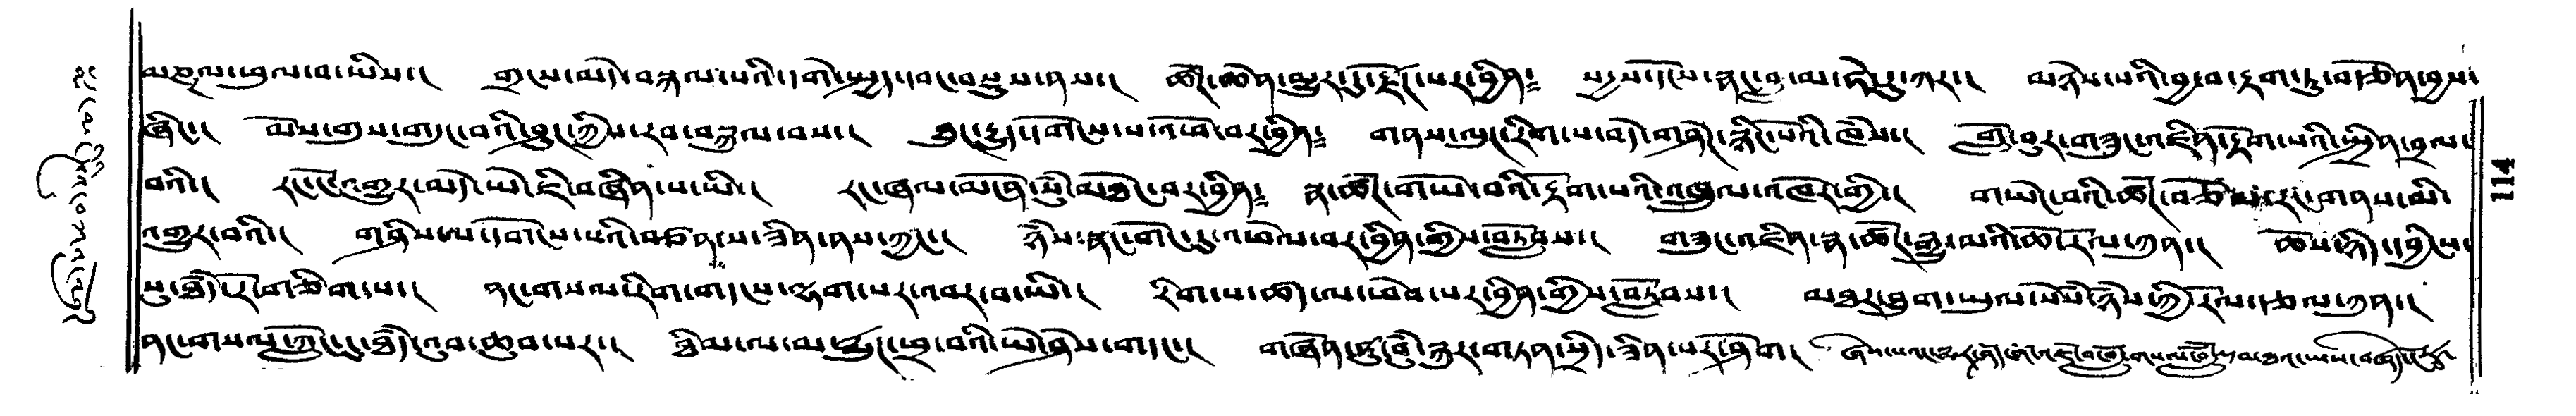མཎྜལ་ཕུལ་བ་ཡིས། །གྲངས་མེད་བསྐལ་པའི་དགེ་སྤྱད་དབང་བསྡུས་ནས། །ཚོགས་ཆེན་མྱུར་དུ་རྫོགས་པར་བྱིན༴ སངས་རྒྱས་དངོས་སྣང་བླ་མ་ཧེ་རུ་ཀར། །མཉེས་པའི་བྱ་བ་རྟག་ཏུ་བརྩོན་བྱས་
ཞིང་། །མོས་གུས་གདུང་བའི་ཤུགས་ཀྱིས་རབ་བསྐུལ་བས། །ཐུགས་རྒྱུད་དགོངས་པ་འཕོ་བར་བྱིན༴ གནས་ལུགས་རིག་པ་བདེ་གཤེགས་སྙིང་པོའི་ཁམས། །གློ་བུར་གཟུང་འཛིན་རྟོག་པའི་སྤྲིན་བྲལ་
བའི། །རང་ངོ་འགྱུར་མེད་ཡེ་ཇི་བཞིན་པ་ཡི། །རང་ཞལ་མངོན་སུམ་མཐོང་བར་བྱིན༴ སྣ་ཆོགས་གཡོ་བའི་རྟོག་པའི་འཁྲུལ་འཁོར་གྱི། །གཡེང་བའི་ཚོགས་བཅོམ་རང་གནས་མི་
འགྱུར་བའི། །གཤིས་ལ་དགོངས་པའི་བཙན་ས་ཟིན་ནས་ཀྱང་། །ཉམས་སྣང་གོང་དུ་འཕེལ་བར་བྱིན་གྱིས་རློབས། །གཟུང་འཛིན་སྣ་ཚོགས་སྒྱུ་མའི་ཆོ་རོལ་ཀུན། །ཆོས་ཉིད་དབྱིངས་
སུ་ཐམས་ཅད་རོ་གཅིག་པ། །ནང་གསལ་རིག་གདངས་ལྷག་པར་འབར་བ་ཡི། །རིག་པ་ཚད་ལ་ཕེབ་པར་བྱིན་གྱིས་རློབས། །མཐར་ཐུག་ཡུལ་སེམས་ཉམས་ཀྱི་རོལ་རྩལ་ཀུན། །
ནང་གསལ་ཀློང་དུ་ཐམས་ཅད་འུབ་ཆུབ་པར། །ཐིམ་ལ་མ་རྨུགས་ཕྲ་བའི་ཡེ་ཤེས་གདངས། གཞོན་ནུ་བུམ་སྐུར་གཏན་སྲིད་ཟིན་པར་ཤོག ཅེས་པའང་སྨར་ཤོད་གོ་འཇོ་བ་བློ་གསལ་བློ་གྲོས་མཐའ་ཡས་བཞེད་ངོར་